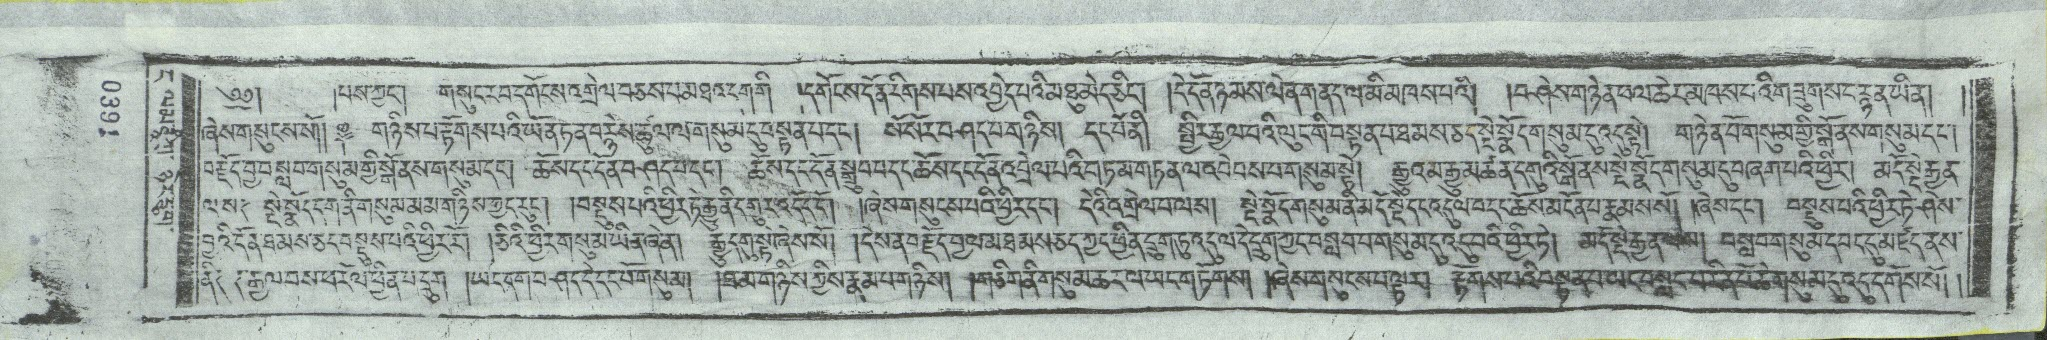༄༅། །པས་ཀྱང་། གསུང་རབ་དགོངས་འགྲེལ་བཅས་པ་མཐའ་དག་གི །དགོངས་དོན་རིགས་པས་འབྱེད་པའི་མཐུ་མེད་ཅིང་། །དེ་དོན་ཉམས་ལེན་གནད་ལ་མི་མཁས་པའི། །བཤེས་གཉེན་ཕལ་ཆེར་མཁས་པའི་གཟུགས་བརྙན་ཡིན།
ཞེས་གསུངས་སོ།། ༈ གཉིས་བརྟོགས་པའི་ཡོན་ཏན་བརྙེས་ཚུལ་ལ་གསུམ་དུ་བསྟན་པ་དང་། སོ་སོར་བཤད་པ་གཉིས། དང་པོ་ནི། སྤྱིར་རྒྱལ་པའི་ལུང་གི་བསྟན་པ་ཐམས་ཅད་སྡེ་སྣོད་གསུམ་དུ་འདུ་སྟེ། གཉེན་པོ་གསུམ་གྱི་སྒོ་ནས་གསུམ་
བརྗོད་བྱ་བ་སླབ་གསུམ་གྱིས་གོ་ནས་གསུམ་དང་། ཆོས་དང་དོན་བཤད་པ་དང་། ཆོས་དང་དོན་སྒྲུབ་པ་དང་ཆོས་དང་དོན་འབྲེལ་བའི་གཏམ་?་འཕེབས་གསུམ་སྟེ། རྒྱུ་བ་མ་རྒྱུ་མཚན་དགུའི་སྒོ་ནས་སྡེ་སྣོད་གསུམ་དུ་བཞག་པའི་ཕྱིར། མདོ་སྡེ?
ལས༑ སྡེ་སྣོད་དག་ནི་གསུམ་ལམ་གཉིས་ཀྱང་རུང་། །བསྡུས་པའི་ཕྱིར་ཏེ་རྒྱུ་ནི་དགུར་འདོད་དོ། །ཞེས་གསུངས་པའི་ཕྱིར་དང་། དེའི་འགྲེལ་པ་ལས། སྡེ་སྣོད་གསུམ་ནི་མདོ་སྡེ་དང་འདུལ་བ་དང་ཆོས་མངོན་པ་རྣམས་སོ། །ཞེས་དང་། བསྡུས་པའི་ཕྱིར་ཏེ་ཤེས་བྱའི་དོན་ཐམས་ཅད་བསྡུས་པའི་ཕྱིར་རོ། །ཅིའི་ཕྱིར་གསུམ་ཡིན་ཞེ་ན། རྒྱུད་གུ་སྟེ་ཞེས་སོ། །དེས་ན་བརྗོད་བྱ་ལ་མ་ཐམས་ཅད་ཀྱང་ཕྱིན་དྲུག་ཏུ་འདུ་ལ་དེ་དྲུག་ཀྱང་བསླབ་པ་གསུམ་དུ་འདུ་བའི་ཕྱིར་ཏེ། མདོ་སྡེ་རྒྱན་ལས། བསླབ་གསུམ་དབང་དུ་མཛད་ནས་
བཞིན་རྒྱལ་?་བྱིན་དྲུག །?  བཤད་དེ་དང་པོ་གསུམ། །ཐ་མ་གཉིས་ཀྱིས་རྣམ་པ་གཉིས། །གཅིག་ནི་གསུམ་ཆར་ལ་ཡང་གཏོགས། །ཞེས་གསུངས་པ་ལྟར། རྟོགས་པའི་བསྟན་པ་ཡང་བསླང་བ་རིན་པོ་ཆེ་གསུམ་དུ་འདུ་དགོས་སོ། །